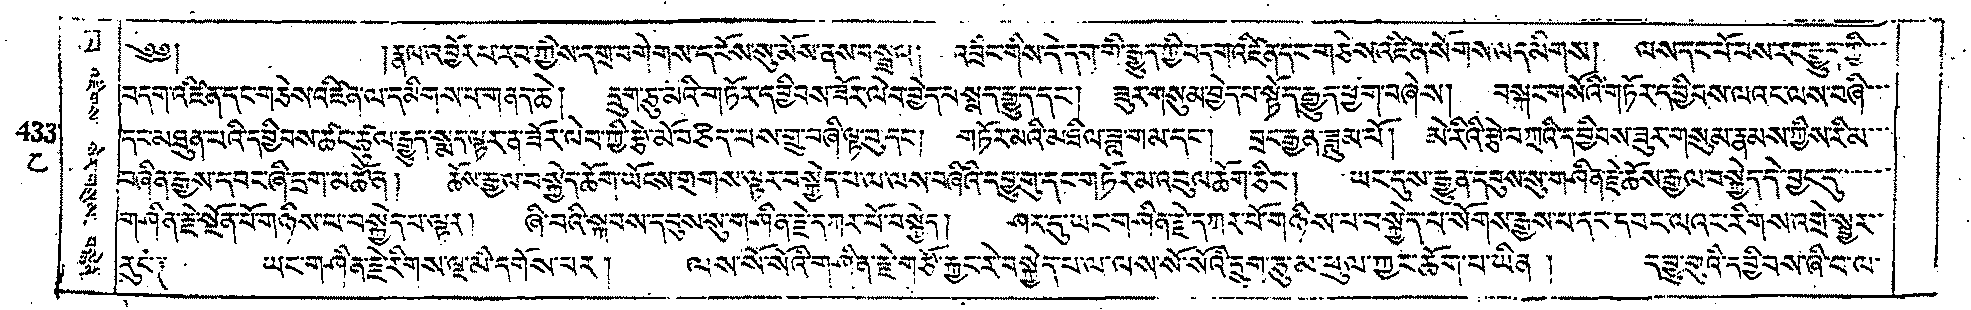༄༅། །རྣལ་འབྱོར་པ་རབ་ཀྱིས་དགྲ་བགེགས་དངོས་སུ་མོས་ནས་བསྒྲལ། འབྲིང་གིས་དེ་དག་གི་རྒྱུད་ཀྱི་བདག་འཛིན་དང་གཅེས་འཛིན་སོགས་ལ་དམིགས། ལས་དང་པོ་པས་རང་རྒྱུད་ཀྱི་་་
བདག་འཛིན་དང་གཅེས་འཛིན་ལ་དམིགས་པ་གནད་ཆེ། དྲུག་ཅུ་མའི་གཏོར་དབྱིབས་ཟོར་ལེབ་བྱེད་པ་སྨད་རྒྱུད་དང་། ཟུར་གསུམ་བྱེད་པ་སྟོད་རྒྱུད་ཕྱག་བཞེས། བསྐང་གསོའི་གཏོར་དབྱིབས་ལའང་ལས་བཞི་་་
དང་མཐུན་པའི་དབྱིབས་ཚང་ཚུལ་རྒྱུད་སྨད་ལྟར་ན་ཟོར་ལེབ་ཀྱི་རྩེ་མོ་བཅད་པས་གྲུ་བཞི་ལྟ་བུ་དང་། གཏོར་མའི་མཐིལ་ཟླ་གམ་དང་། བྲང་རྒྱན་ཟླུམ་པོ། མེ་རིའི་རྩེ་བཀྲའི་དབྱིབས་ཟུར་གསུམ་རྣམས་ཀྱིས་རིམ་་་
བཞིན་རྒྱས་དབང་ཞི་དྲག་མཚོན། ཆོས་རྒྱལ་བསྐྱེད་ཆོག་ཡོངས་གྲགས་ལྟར་བསྐྱེད་པ་ལ་ལས་བཞིའི་དབྱུ་གུ་དང་གཏོར་མ་འབུལ་ཆོས་ཅིང་། ཡང་དུས་རྒྱུན་དབུས་སུ་གཤིན་རྗེ་ཆོས་རྒྱལ་བསྐྱེད་དེ་བྱང་དུ་་་
གཤིན་རྗེ་སྔོན་པོ་གཉིས་པ་བསྐྱེད་པ་ལྟར། ཞི་བའི་སྐབས་དབུས་སུ་གཤིན་རྗེ་དཀར་པོ་བསྐྱེད། ཤར་དུ་ཡང་གཤིན་རྗེ་དཀར་པོ་གཉིས་པ་བསྐྱེད་པ་སོགས་རྒྱས་པ་དང་དབང་ལའང་རིགས་འགྲེ་སྦྱར་་་
རུང༑ ཡང་གཤིན་རྗེ་རིགས་ལྔ་མི་དགོས་པར། ལས་སོ་སོའི་གཤིན་རྗེ་གཙོ་རྐྱང་རེ་བསྐྱེད་པ་ལ་ལས་སོ་སོའི་དྲུག་ཅུ་མ་ཕུལ་ཀྱང་ཆོག་པ་ཡིན། དབྱུ་གུའི་དབྱིབས་ཞི་བ་ལ་